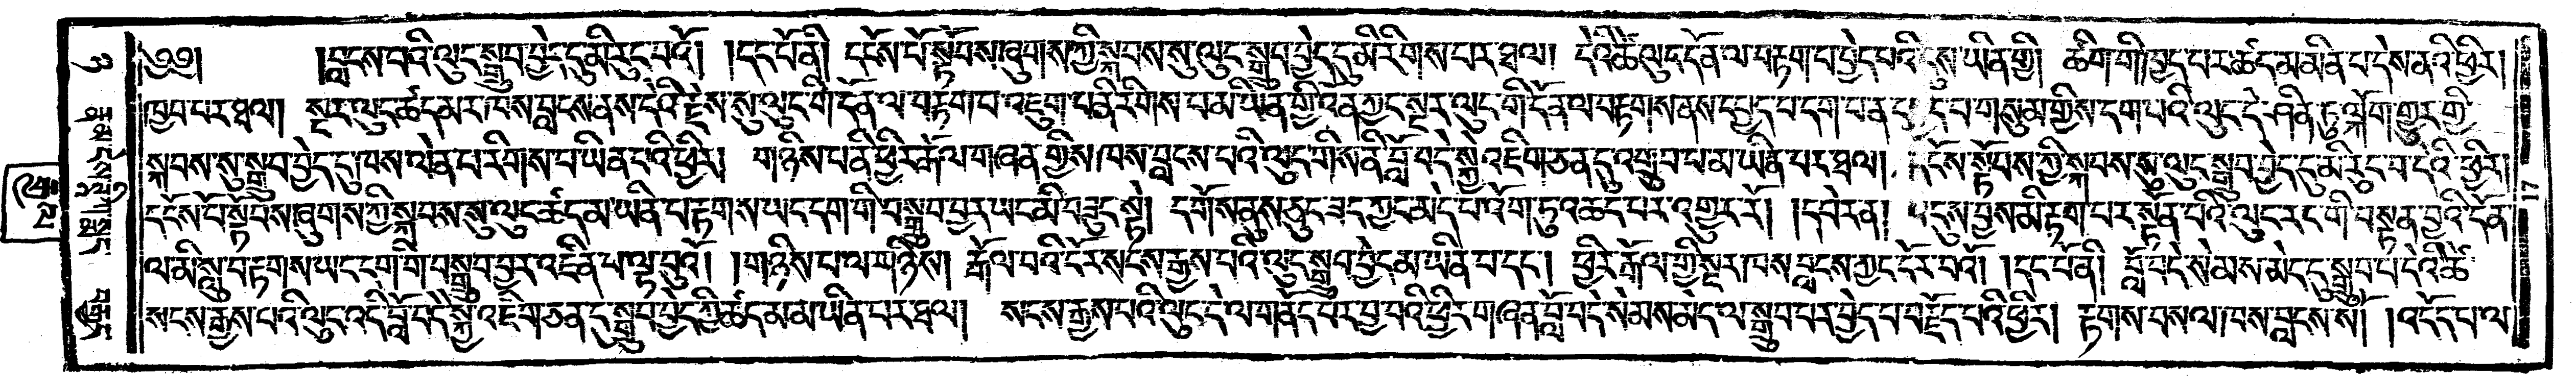༄༅། །བླངས་པའི་ལུང་སྒྲུབ་བྱེད་དུ་མི་རུང་པའོ། །དང་པོ་ནི། དངོས་པོ་སྟོབས་ཞུགས་ཀྱི་སྐབས་སུ་ལུང་སྒྲུབ་བྱེད་དུ་མི་རིགས་པར་ཐལ། དེའི་ཚེ་ལུང་དོན་ལ་བརྟག་པ་བྱེད་པའི་དུས་ཡིན་གྱི། ཚིག་གི་ཁྱད་པར་ཚད་མ་མིན་པ་དེས་ནའི་ཕྱིར།
ཁྱབ་པར་ཐལ། སྔར་ལུང་ཚད་མར་ཁས་བླངས་ནས་དེའི་རྗེས་སུ་ལུང་གི་དོན་ལ་བརྟག་པ་འཇུག་པ་ནི་རིགས་པ་མ་ཡིན་གྱི་འོན་ཀྱང་སྔར་ལུང་གི་དོན་ལ་བརྟགས་ནས་དཔྱད་པ་དག་པ་ན་དཔྱད་པ་གསུམ་གྱིས་དག་པའི་ལུང་དེ་ཤིན་ཏུ་ལྐོག་གྱུར་གྱི་
སྐབས་སུ་སྒྲུབ་བྱེད་དུ་ཁས་ལེན་པ་རིགས་པ་ཡིན་པའི་ཕྱིར། གཉིས་པ་ནི་ཕྱིར་རྒོལ་གཞན་གྱིས་ཁས་བླངས་པའི་ལུང་གིས་ནི་བློ་བདེ་སྐྱེ་འཇིག་ཅན་དུ་འགྲུབ་པ་མ་ཡིན་པར་ཐལ། དངོས་སྟོབས་ཀྱི་སྐབས་སུ་ལུང་སྒྲུབ་བྱེད་དུ་མི་རུང་བ་དེའི་ཕྱིར།
དངོས་པོ་སྟོབས་ཞུགས་ཀྱི་སྐབས་སུ་ལུང་ཚད་མ་ཡིན་པ་རྟགས་ཡང་དག་གི་བསྒྲུབ་བྱར་ཡང་མི་བཟུང་སྟེ། དགོས་ནུས་ཅུང་ཟད་ཀྱང་མེད་པ་འོག་ཏུ་འཆད་པར་འགྱུར་རོ། །དབེར་ན། འདུས་བྱས་མི་རྟག་པར་སྟོན་པའི་ལུང་རང་གི་བསྟན་བྱའི་དོན་
ལ་མི་སླུ་བ་རྟགས་ཡང་དག་གི་བསྒྲུབ་བྱར་འཛིན་པ་ལྟ་བུའོ། །གཉིས་པ་ལ་གཉིས། རྒོལ་བའི་ངོར་སངས་རྒྱས་པའི་ལུང་སྒྲུབ་བྱེད་མ་ཡིན་པ་དང་། ཕྱིར་རྒོལ་གྱི་སྔར་ཁས་བླངས་ཀྱང་དོར་བའོ། །དང་པོ་ནི། བློ་བདེ་སེམས་མེད་དུ་སྒྲུབ་པ་དེའི་ཚེ་
སངས་རྒྱས་པའི་ལུང་འདི་བློ་བདེ་སྐྱེ་འཇིག་ཅན་དུ་སྒྲུབ་བྱེད་ཀྱི་ཚད་མ་མ་ཡིན་པར་ཐལ། སངས་རྒྱས་པའི་ལུང་དེ་ལ་གནོད་པར་བྱ་བའི་ཕྱིར་གཞན་བློ་བདེ་སེམས་མེད་ལ་སྒྲུབ་པར་བྱེད་པ་བརྗོད་པའི་ཕྱིར། རྟགས་བསལ་ཁས་བླངས་སོ། །འདོད་པ་ལ་